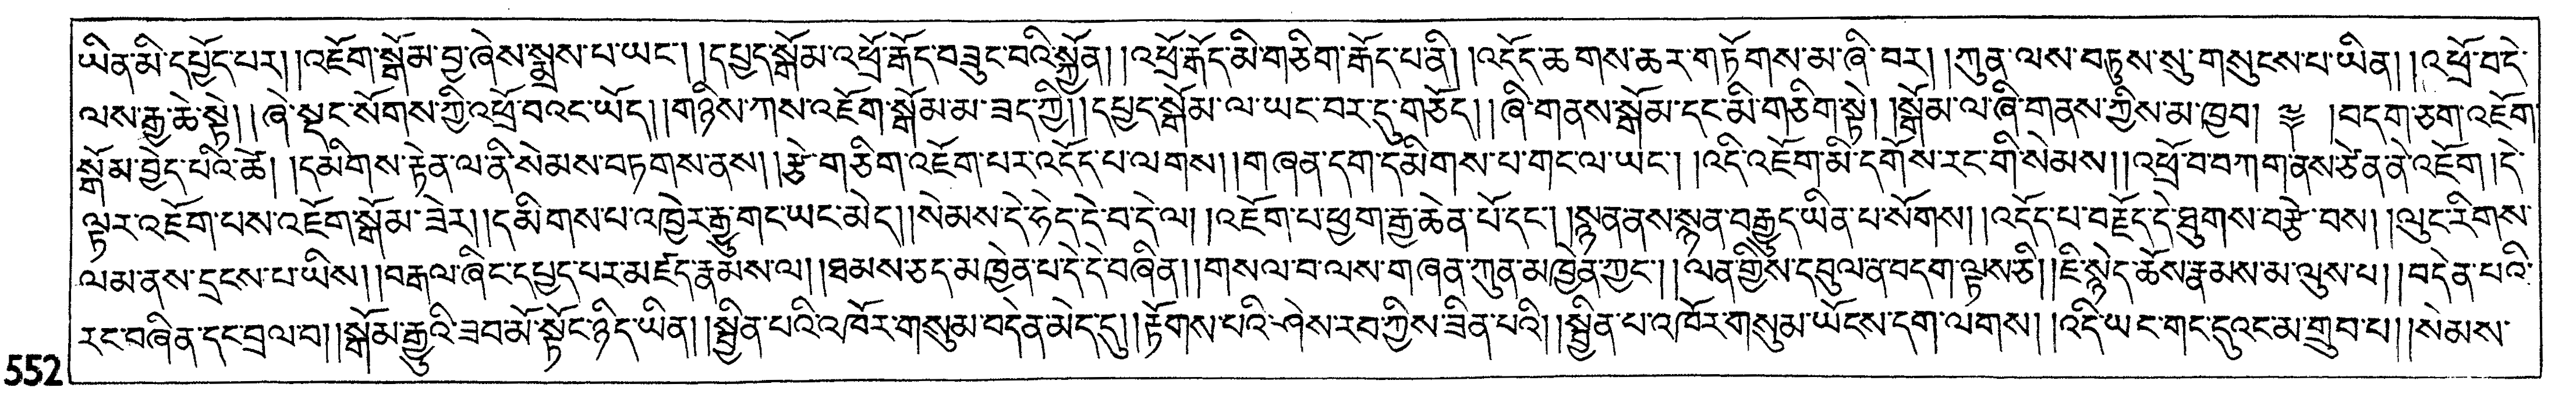ཡིན་མི་དཔྱོད་པར། །འཇོག་སྒོམ་བྱ་ཞེས་སྨྲས་པ་ཡང་། །དཔྱད་སྒོམ་འཕྲོ་རྒོད་བཟུང་བའི་སྐྱོན། །འཕྲོ་རྒོད་མི་གཅིག་རྒོད་པ་ནི། །འདོད་ཆགས་ཆར་གཏོགས་མ་ཞི་བར། །ཀུན་ལས་བཏུས་སུ་གསུངས་པ་ཡིན། །འཕྲོ་བདེ་
ལས་རྒྱ་ཆེ་སྟེ། །ཞེ་སྡང་སོགས་ཀྱི་འཕྲོ་བའང་ཡོད། །གཉིས་ཀས་འཇོག་སྒོམ་མ་ཟད་ཀྱི། །དཔྱད་སྒོམ་ལ་ཡང་བར་དུ་གཅོད། །ཞི་གནས་སྒོམ་དང་མི་གཅིག་སྟེ། །སྒོམ་ལ་ཞི་གནས་ཀྱིས་མ་ཁྱབ། ༈ །བདག་ཅག་འཇོག་
སྒོམ་བྱེད་པའི་ཚེ། །དམིགས་རྟེན་ལ་ནི་སེམས་བཏགས་ནས། །རྩེ་གཅིག་འཇོག་པར་འདོད་པ་ལགས། །གཞན་དག་དམིགས་པ་གང་ལ་ཡང་། །འདི་འཇོག་མི་དགོས་རང་གི་སེམས། །འཕྲོ་བ་བཀག་ནས་ཙེན་ནེ་འཇོག །དེ་
ལྟར་འཇོག་པས་འཇོག་སྒོམ་ཟེར། །དམིགས་པ་འཁྱེར་རྒྱུ་གང་ཡང་མེད། །སེམས་དེ་ཧེད་དེ་བ་དེ་ལ། །འཇོག་པ་ཕྱག་རྒྱ་ཆེན་པོ་དང་། །སྙན་ནས་སྙན་བརྒྱུད་ཡིན་པ་སོགས། །འདོད་པ་བརྗོད་དེ་ཐུགས་བརྩེ་བས། །ལུང་རིགས་
ལམ་ནས་དྲངས་པ་ཡིས། །བརྒལ་ཞིང་དཔྱད་པར་མཛད་རྣམས་ལ། །ཐམས་ཅད་མཁྱེན་པ་དེ་དེ་བཞིན། །གསལ་བ་ལས་གཞན་ཀུན་མཁྱེན་ཀྱང་། །ལན་གྱིས་དབུལ་ན་བདག་ལྟས་ཅི། །ཇི་སྙེད་ཆོས་རྣམས་མ་ལུས་པ། །བདེན་པའི་
རང་བཞིན་དང་བྲལ་བ། །སྒོམ་རྒྱུའི་ཟབ་མོ་སྟོང་ཉིད་ཡིན། །སྦྱིན་པའི་འཁོར་གསུམ་བདེན་མེད་དུ། །རྟོགས་པའི་ཤེས་རབ་ཀྱིས་ཟིན་པའི། །སྦྱིན་པ་འཁོར་གསུམ་ཡོངས་དག་ལགས། །འདི་ཡང་གང་དུའང་མ་གྲུབ་པ། །སེམས་